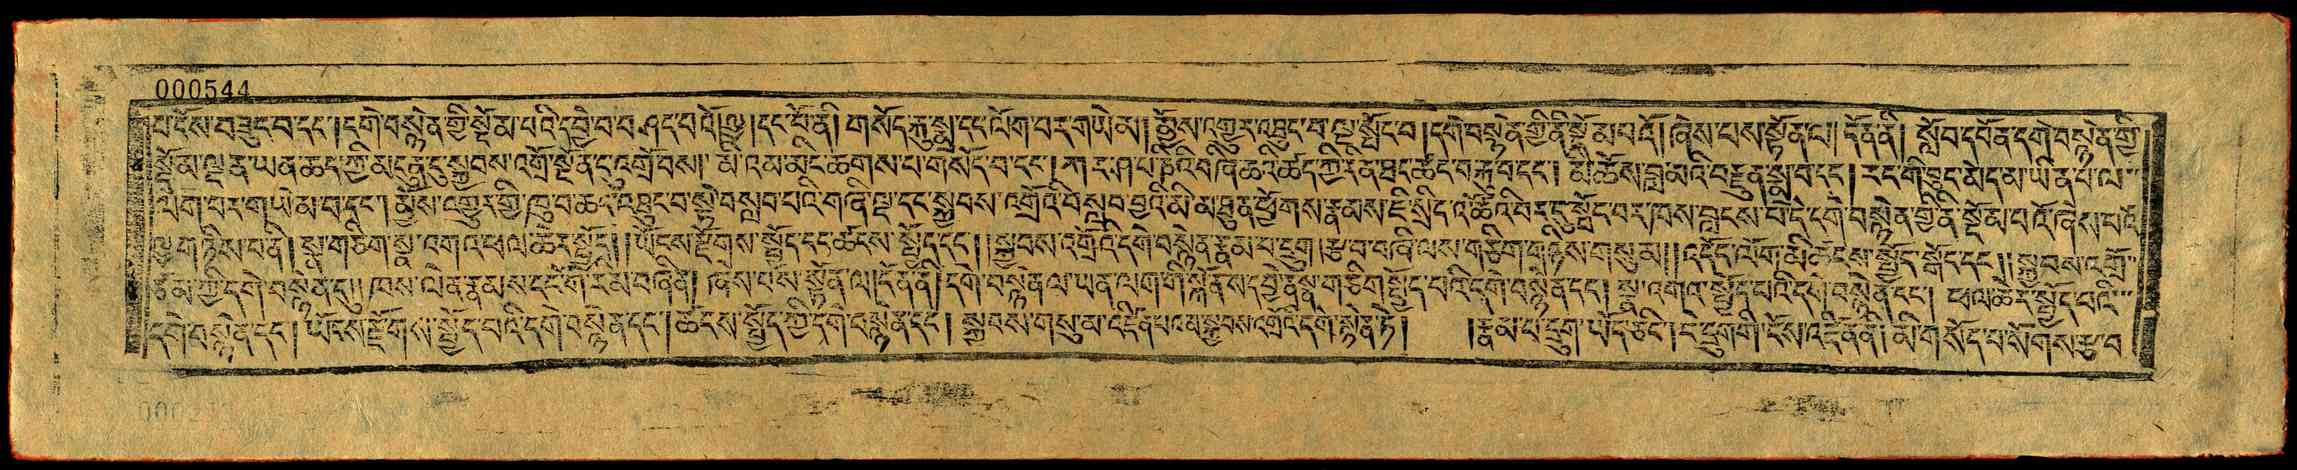པ་ངོས་བཟུང་བ་དང་། དགེ་བསྙེན་གྱི་སྡོམ་པའི་དབྱེ་བ་བཤད་པའོ། ༈ །དང་པོ་ནི། གསོད་རྐུ་སྨྲ་དང་ལོག་པར་གཡེམ། །མྱོས་འགྱུར་འཐུང་བ་ལྔ་སྤོང་བ། །དགེ་བསྙེན་གྱི་ནི་སྡོམ་པའོ། ཞེས་པས་སྟོན་ལ། དོན་ནི། སློབ་དཔོན་དགེ་བསྙེན་གྱི་
སྡོམ་ལྡན་ཡན་ཆད་ཀྱི་མདུན་དུ་སྐྱབས་འགྲོ་སྔོན་དུ་འགྲོ་བས། མིའམ་མིར་ཆགས་པ་གསོད་པ་དང་། ཀར་ཤ་པ་ཎའི་བཞི་ཆའི་ཚད་ཀྱི་རིན་ཐང་ཚང་བརྐུ་བ་དང་། མི་ཆོས་བླ་མའི་བརྫུན་སྨྲ་བ་དང་། རང་གི་བུད་མེད་མ་ཡིན་པ་ལ་
ལོག་པར་གཡེམ་པ་དང་། མྱོས་འགྱུར་གྱི་ཁུ་བ་ཆང་འཐུང་བ་སྟེ་བསླབ་པའི་གཞི་ལྔ་དང་སྐྱབས་འགྲོའི་བསླབ་བྱའི་མི་མཐུན་ཕྱོགས་རྣམས་ཇི་སྲིད་འཚོའི་བར་དུ་སྤོང་བར་ཁས་བླངས་པ་དེ་དགེ་བསྙེན་གྱི་ནི་སྡོམ་པའོ་ཞེས་པའོ་
༈ གཉིས་པ་ནི། སྣ་གཅིག་སྣ་འགའ་ཕལ་ཆེར་སྤྱོད། །ཡོངས་རྫོགས་སྤྱོད་དང་ཚངས་སྤྱོད་དང་། །སྐྱབས་འགྲོའི་དགེ་བསྙེན་རྣམ་པ་དྲུག །རྩ་བ་བཞི་ལས་གཅིག་གཉིས་གསུམ། །འདོད་ལོག་མི་ཚངས་སྤྱོད་སྤོངས་དང་། སྐྱབས་འགྲོ་
ཙམ་གྱི་དགེ་བསྙེན་དུ། །ཁས་ལེན་རྣམས་དང་གོ་རིམ་བཞིན། ཞེས་པས་སྟོན་ལ། དོན་ནི། དགེ་བསྙེན་ལ་ཡན་ལག་གི་སྒོ་ནས་དབྱེ་ན་སྣ་གཅིག་སྤྱོད་པའི་དགེ་བསྙེན་དང་། སྣ་འགའ་སྤྱོད་པའི་དགེ་བསྙེན་དང་། ཕལ་ཆེར་སྤྱོད་པའི་
དག་བསྙེན་དང་། ཡོངས་རྫོགས་སྤྱོད་པའི་དགེ་བསྙེན་དང་། ཚངས་སྤྱོད་ཀྱི་དགེ་བསྙེན་དང་། སྐྱབས་གསུམ་འཛིན་པའམ་སྐྱབས་འགྲོའི་དགེ་བསྙེན་ཏེ་རྣམ་པ་དྲུག་ཡོད་ཅིང་། དེ་དྲུག་གི་ངོས་འཛིན་ནི། མི་གསོད་པ་སོགས་རྩ་བ་